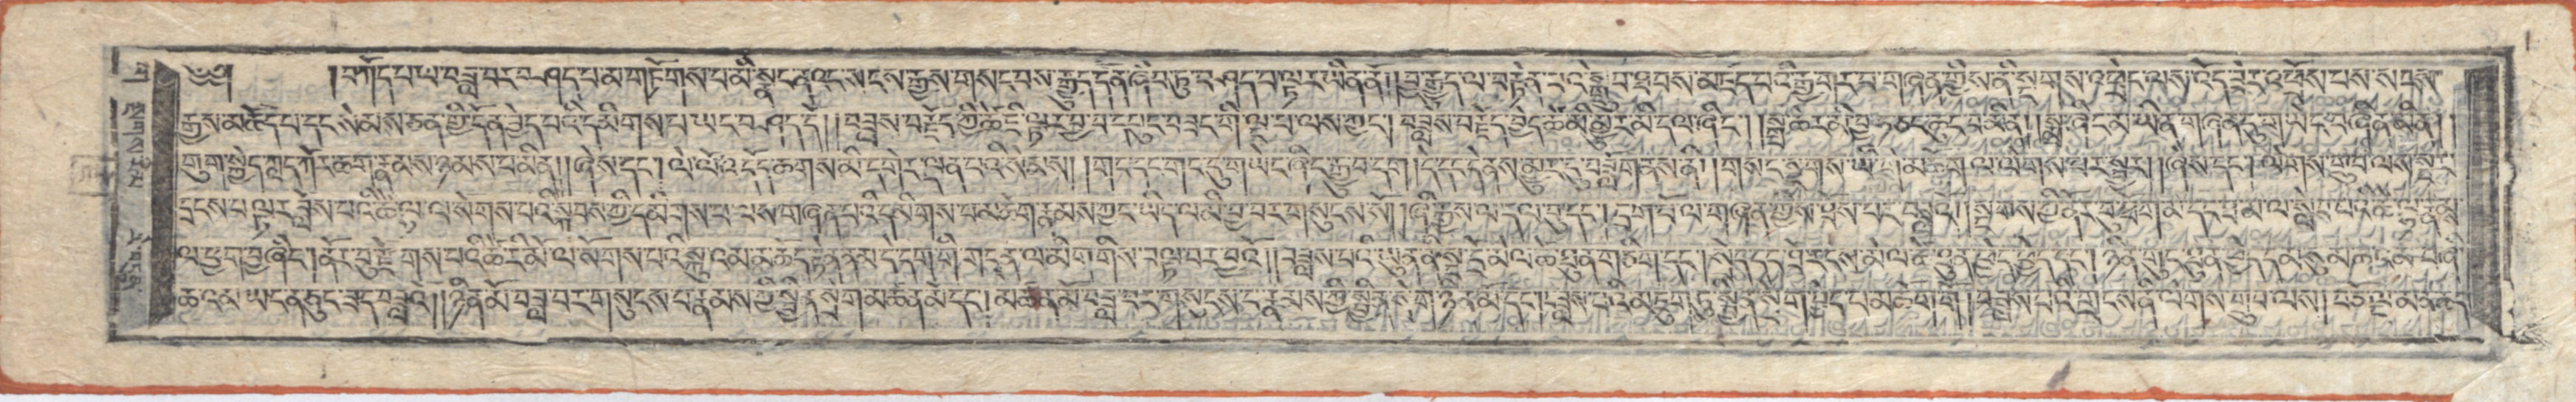༄༅། །བཀོད་པ་ལ་བཟླ་བར་བཤད་པ་མ་གཏོགས་པ་མི་སྣང་ནའང་སངས་རྒྱས་གསང་བས་རྒྱུད་དོན་ཞིབ་ཏུ་བཤད་པ་ལྟར་ཡིན་ནོ། །བྱ་རྒྱུད་ལ་བརྟེན་པའི་སྒྲུབ་ཐབས་མཛད་པའི་རྒྱ་གར་བ་གཞན་གྱིས་ནི་སྔགས་འཕྲེང་ལས་འོད་ཟེར་འཕྲོས་པས་སངས་
རྒྱས་མཆོད་པ་དང་སེམས་ཅན་གྱི་དོན་བྱེད་པའི་དམིགས་པ་ཡང་བཤད་དོ། །བཟླས་བརྗོད་ཀྱི་ཚེ་ཇི་ལྟར་བྱ་བ་དཔུང་བཟང་གི་ལྔ་པ་ལས་ཀྱང་། བཟླས་བརྗོད་བྱེད་ཚེ་མི་མྱུར་མི་དལ་ཞིང་། །སྒྲ་ཆེར་མི་བྱ་ཧ་ཅང་ཆུང་བ་མིན། །སྨྲ་ཞིང་མ་ཡིན་གཞན་དུ་གཡེང་བཞིན་མིན། །
གུག་སྐྱེད་ཀླད་ཀོར་ཆག་རྣམས་ཉམས་པ་མིན། །ཞེས་དང་། ལེ་ལོ་འདོད་ཆགས་མི་དགེར་ལྡན་པའི་སེམས། །གང་དང་གང་དུ་གཡེང་ཞིང་རྒྱུ་བ་དག །དེ་དང་དེ་ནས་མྱུར་དུ་བཟློག་ནས་ནི། །གསང་སྔགས་ཡི་གེ་མཆོག་ལ་ལེགས་པར་སྦྱར། །ཞེས་དང་། ལེགས་གྲུབ་ལས་སྔར་
དྲངས་པ་ལྟར་ཟློས་པའི་ཚེ་ལྷ་ལ་སོགས་པའི་སྐབས་ཀྱི་དམིགས་པ་ལས་གཞན་པའི་དམིགས་པ་མཆོག་རྣམས་ཀྱང་ཡིད་ལ་མི་བྱ་བར་གསུངས་སོ། །ཞི་རྒྱས་ལ་དལ་བུ་དང་། དྲག་པོ་ལ་གཞན་གྱིས་ཐོས་པར་བཟླའོ། །སྔགས་ཀྱི་ནོར་བུ་ཐོག་མ་དང་ཐ་མ་ལ་སླེབ་པའི་ཚེ་ལྷ་རྣམས་
ལ་ཕྱག་བྱ་ཞིང་། ནོར་བུ་རྫོགས་པའི་ཚེ་རི་མོ་ལ་སོགས་པའི་སྐུ་འམ་མཆོད་རྟེན་ནམ་དེ་དག་གི་གདན་ལ་མིག་གིས་བལྟ་བར་བྱའོ། །བཟླས་པའི་ཡུན་ནི་སྔ་དྲོ་མེལ་ཚེ་ཐུན་གཅིག་དང་། སྲོད་དང་ཐོ་རངས་མེལ་ཚེ་ཐུན་ཕྱེད་ཕྱེད་དང་། ཉིན་གུང་ཐུན་ཕྱེད་དམ་སུམ་ཆ་འམ་བཞི་
ཆ་འམ་ཡང་ན་ཅུང་ཟད་བཟླའོ། །ཉིན་མོ་བཟླ་བར་གསུངས་པ་རྣམས་ཀྱི་སྦྱིན་སྲེག་མཚན་མོ་དང་། མཚན་མོ་བཟླ་བར་གསུངས་པ་རྣམས་ཀྱི་སྦྱིན་སྲེག་ཉིན་མོ་དང་། བཟླས་པའི་མཇུག་ཏུ་སྦྱིན་སྲེག་བྱེད་པ་མཆོག་གོ །བཟླས་པའི་གྲངས་ནི་ལེགས་གྲུབ་ལས། བཅོ་ལྔ་མན་ཆད་